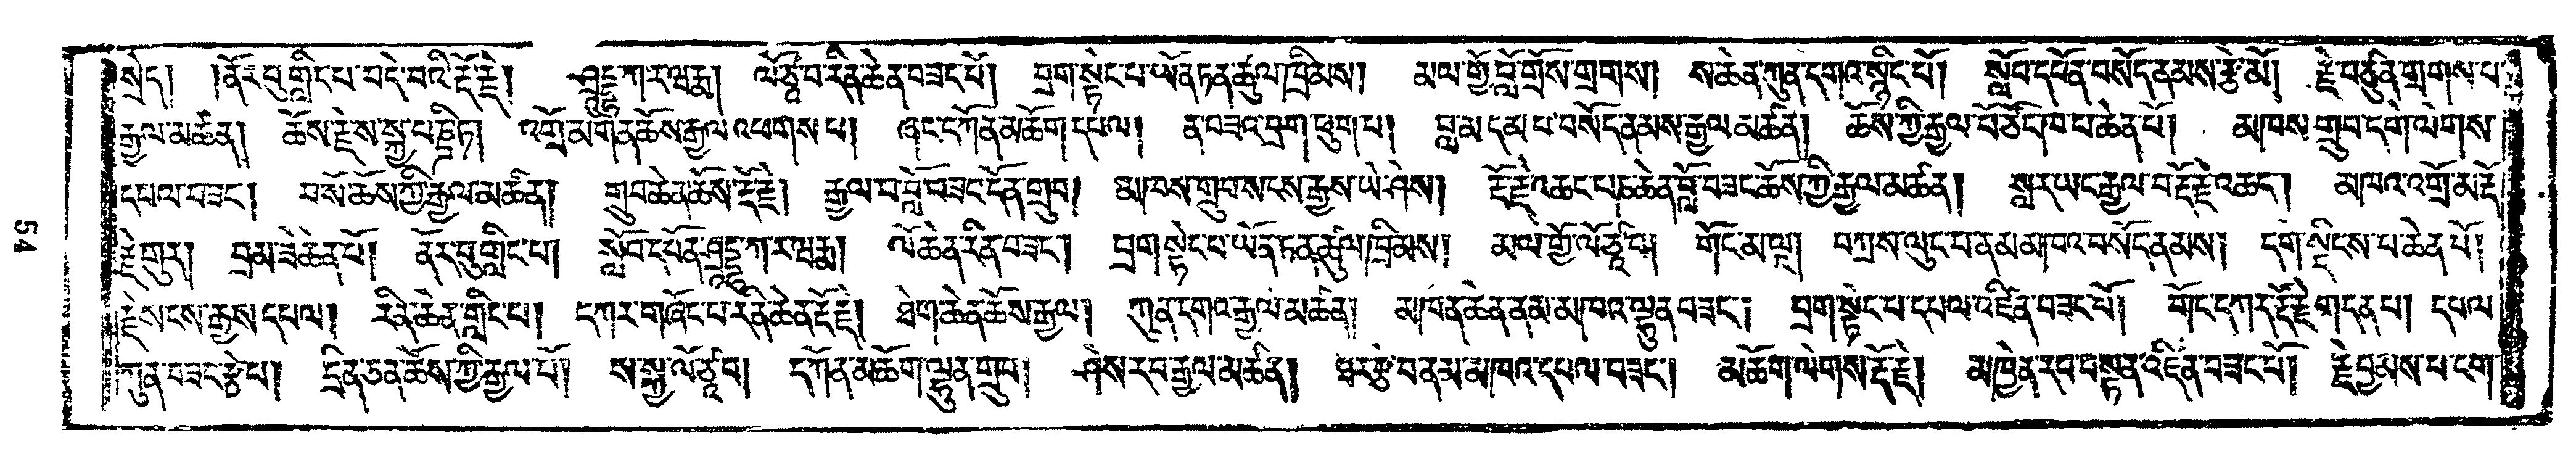སྲེད། །ནོར་བུ་གླིང་པ་བདེ་བའི་རྡོ་རྗེ། ཤྲཱུདྡྷ་ཀ་ར་ཝརྨ། ལོ་ཙཱ་བ་རིན་ཆེན་བཟང་པོ། བྲག་སྟེང་པ་ཡོན་ཏན་ཚུལ་ཁྲིམས། མལ་གྱོ་བློ་གྲོས་གྲགས། ས་ཆེན་ཀུན་དགའ་སྙིང་པོ། སློབ་དཔོན་བསོད་ནམས་རྩེ་མོ། རྗེ་བཙུན་གྲགས་པ་
རྒྱལ་མཚན། ཆོས་རྗེས་སྐྱ་པཎྜི་ཏ། འགྲོ་མགོན་ཆོས་རྒྱལ་འཕགས་པ། ཞང་དཀོན་མཆོག་དཔལ། ན་བཟའ་བྲག་ཕུག་པ། བླ་མ་དམ་པ་བསོད་ནམས་རྒྱལ་མཚན། ཆོས་ཀྱི་རྒྱལ་པོ་ཙོང་ཁ་པ་ཆེན་པོ། མཁས་གྲུབ་དགེ་ལེགས་
དཔལ་བཟང་། བ་སོ་ཆོས་ཀྱི་རྒྱལ་མཚན། གྲུབ་ཆེན་ཆོས་རྡོ་རྗེ། རྒྱལ་བ་བློ་བཟང་དོན་གྲུབ། མཁས་གྲུབ་སངས་རྒྱས་ཡེ་ཤེས། རྡོ་རྗེ་འཆང་པཎ་ཆེན་བློ་བཟང་ཆོས་ཀྱི་རྒྱལ་མཚན། སླར་ཡང་རྒྱལ་བ་རྡོ་རྗེ་འཆང་། མཁའ་འགྲོ་མྲྡོ་
རྗེ་གུར། བྲམ་ཟེ་ཆེན་པོ། ནོར་བུ་གླིང་པ། སློབ་དཔོན་ཤྲཱདྡྷ་ཀ་ར་ཝརྨ། ལོ་ཆེན་རིན་བཟང་། བྲག་སྟེང་པ་ཡོན་ཏན་ཚུལ་ཁྲིམས། མལ་གྱོ་ལོ་ཙཱ་བ། གོང་མ་ལྔ། བཀྲས་ལུང་པ་ནམ་མཁའ་བསོད་ནམས། དགེ་སྡིངས་པ་ཆེན་པོ། །
རྗེ་སངས་རྒྱས་དཔལ། རིན་ཆེན་གླིང་པ། དཀར་གཞོང་པ་རིན་ཆེན་རྡོ་རྗེ། ཐེག་ཆེན་ཆོས་རྒྱལ། ཀུན་དགའ་རྒྱལ་མཚན། མཁན་ཆེན་ནམ་མཁའ་ལྷུན་བཟང་། བྲག་སྟེང་པ་དཔལ་འཛིན་བཟང་པོ། གོང་དཀར་རྡོ་རྗེ་གདན་པ། དཔལ།
ཀུན་བཟང་རྩེ་པ། དྲིན་ཅན་ཆོས་ཀྱི་རྒྱལ་པོ། ས་སྐྱ་ལོ་ཙཱ་བ། དཀོན་མཆོག་ལྷུན་གྲུབ། ཤེས་རབ་རྒྱལ་མཚན། ཐར་རྩེ་བ་ནམ་མཁའ་དཔལ་བཟང་། མཆོག་ལེགས་རྡོ་རྗེ། མཁྱེན་རབ་བསྟན་འཛིན་བཟང་པོ། རྗེ་བྱམས་པ་ངག་